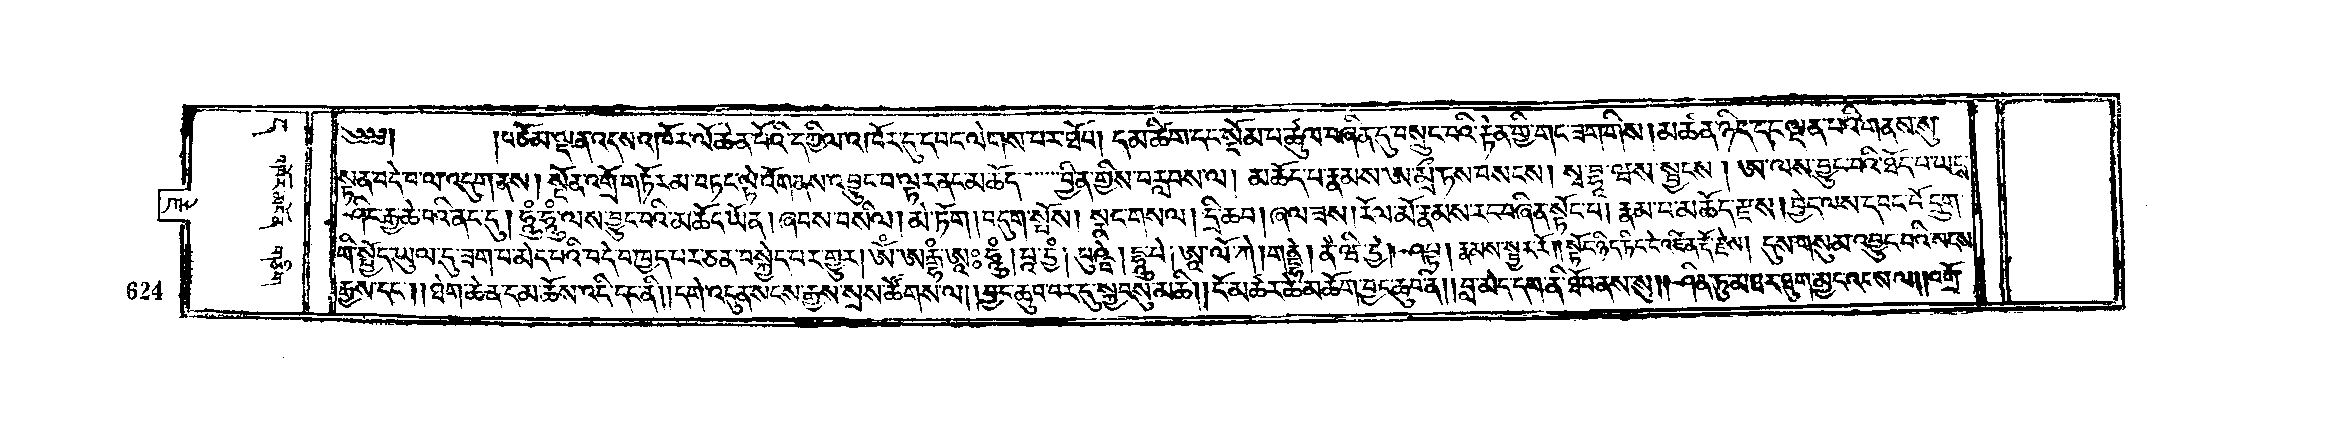༄༅༅། །བཅོམ་ལྡན་འདས་འཁོར་ལོ་ཆེན་པོའི་དཀྱིལ་འཁོར་དུ་དབང་ལེགས་པར་ཐོབ། དམ་ཚིག་དང་སྡོམ་པ་ཚུལ་བཞིན་དུ་བསྲུང་བའི་རྟེན་གྱི་གང་ཟག་གིས། མཚན་ཉིད་དང་ལྡན་པའི་གནས་སུ་
སྟན་བདེ་བ་ལ་འདུག་ནས། སྔོན་འགྲོ་གཏོར་མ་བཏང་སྟེ་འོག་ནས་འབྱུང་བ་ལྟར་ནང་མཆོད་བྱིན་གྱིས་བརླབས་ལ། མཆོད་པ་རྣམས་ཨ་མྲྀ་ཏས་བསངས། སྭ་བྷཱ་ཝས་སྦྱངས། ཨ་ལས་བྱུང་བའི་ཐོད་པ་ཡངས་
ཤིང་རྒྱ་ཆེ་བའི་ནང་དུ། ཧཱུཾ་ཧཱུཾ་ལས་བྱུང་བའི་མཆོད་ཡོན། ཞབས་བསིལ། མེ་ཏོག །བདུག་སྤོས། སྣང་གསལ། དྲི་ཆབ། ཞལ་ཟས། རོལ་མོ་རྣམས་རང་བཞིན་སྟོང་པ། རྣམ་པ་མཆོད་རྫས། བྱེད་ལས་དབང་པོ་དྲུག་
གི་སྤྱོད་ཡུལ་དུ་ཟག་པ་མེད་པའི་བདེ་བ་ཁྱད་པར་ཅན་བསྐྱེད་པར་གྱུར། ཨོཾ་ཨརྒྷཾ་ཨཱཿ ཧཱུཾ། པཱ་དཡཾ། པུཥྤེ། དྷཱུ་པེ། ཨཱ་ལོ་ཀེ། གནྡྷེ། ནཻ་ཝི་དྱེ། ཤཔྟ། རྣམས་སྦྱར་རོ། །སྟོང་ཉིད་ཏིང་ངེ་འཛིན་རྡོ་རྗེས། དུས་གསུམ་འབྱུང་བའི་སངས་
རྒྱས་དང་། །ཐེག་ཆེན་དམ་ཆོས་འདི་དང་ནི། །དགེ་འདུན་སངས་རྒྱས་སྲས་ཚོགས་ལ། །བྱང་ཆུབ་བར་དུ་སྐྱབས་སུ་མཆི། །ངོ་མཚར་ཆེ་མཆོག་བྱང་ཆུབ་ནི། །བླ་མེད་དག་ནི་ཐོབ་ནས་སུ། །ཤིན་ཏུ་མཐར་ཐུག་མྱང་འདས་ལ། །འགྲོ་